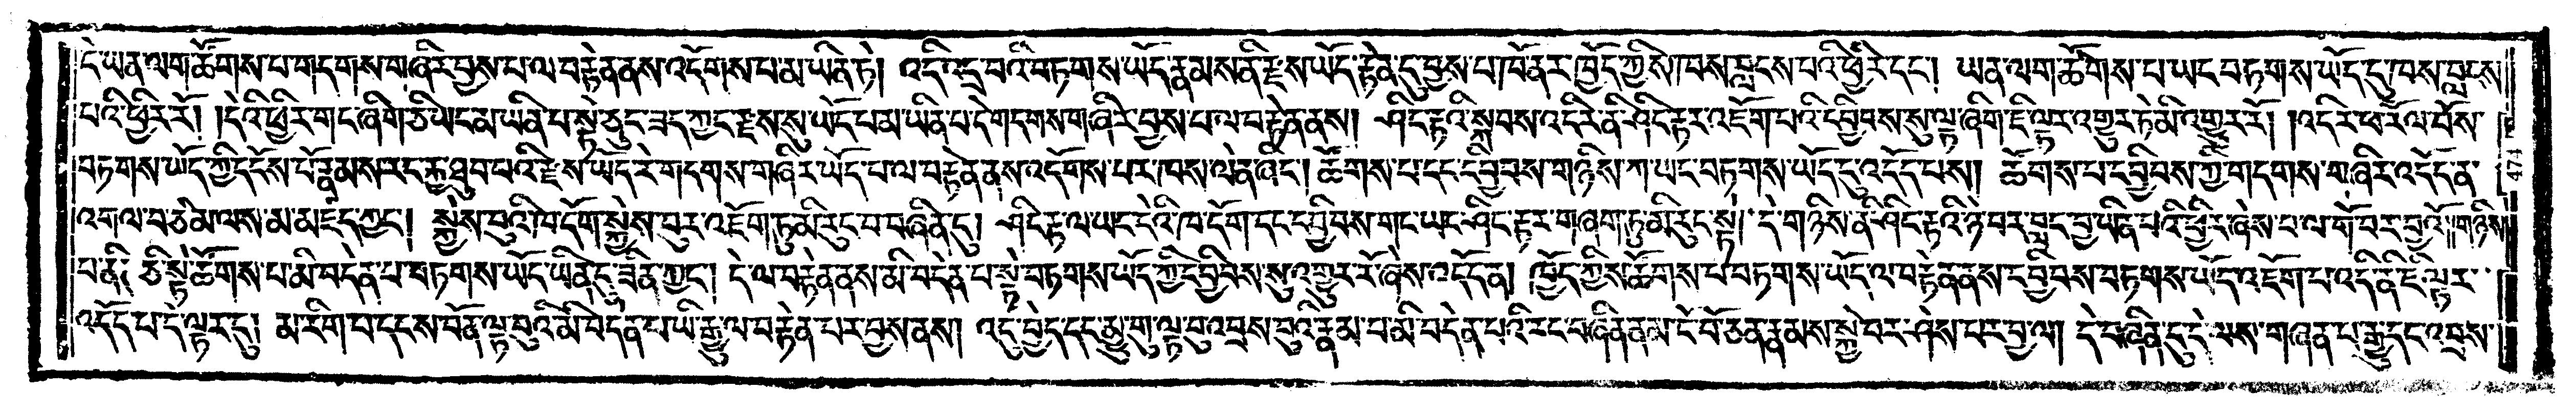དེ་ཡན་ལག་ཚོགས་པ་གདགས་གཞིར་བྱས་པ་ལ་བརྟེན་ནས་འདོགས་པ་མ་ཡིན་ཏེ། འདི་འདྲ་བའི་བཏགས་ཡོད་རྣམས་ནི་རྫས་ཡོད་རྟེན་དུ་བྱས་པ་ཁོ་ནར་ཁྱོད་ཀྱིས་ཁས་བླངས་པའི་ཕྱིར་དང་། ཡན་ལག་ཚོགས་པ་ཡང་བཏགས་ཡོད་དུ་ཁས་བླངས་
པའི་ཕྱིར་རོ། །དེའི་ཕྱིར་གང་ཞིག་ཅི་ཡང་མ་ཡིན་པ་སྟེ་ཅུང་ཟད་ཀྱང་རྫས་སུ་ཡོད་པ་མ་ཡིན་པ་དེ་གདགས་གཞིར་བྱས་པ་ལ་བརྟེན་ནས། ཤིང་རྟའི་སྐབས་འདིར་ནི་ཤིང་རྟར་འཇོག་པའི་དབྱིབས་སུ་ལྟ་ཞིག་ཇི་ལྟར་འགྱུར་ཏེ་མི་འགྱུར་རོ། །འདིར་ཕ་རོལ་པོས་
བཏགས་ཡོད་ཀྱི་དངོས་པོ་རྣམས་རང་རྐྱ་ཐུབ་པའི་རྫས་ཡོད་རེ་གདགས་གཞིར་ཡོད་པ་ལ་བརྟེན་ནས་འདོགས་པར་ཁས་ལེན་ཞིང་། ཚོགས་པ་དང་དབྱིབས་གཉིས་ཀ་ཡང་བཏགས་ཡོད་དུ་འདོད་པས། ཚོགས་པ་དབྱིབས་ཀྱི་གདགས་གཞིར་འདོད་ན་
འགལ་བ་ཙམ་ལས་མ་མཛད་ཀྱང་། སྐྱེས་བུའི་ཁ་དོག་སྐྱེས་བུར་འཇོག་ཏུ་མི་རུང་བ་བཞིན་དུ། ཤིང་རྟ་ལ་ཡང་དེའི་ཁ་དོག་དང་དབྱིབས་གང་ཡང་ཤིང་རྟར་གཞག་ཏུ་མི་རུང་སྟེ། དེ་གཉིས་ནི་ཤིང་རྟའི་ཉེ་བར་བླང་བྱ་ཡིན་པའི་ཕྱིར་ཞེས་པ་ལ་གོ་བར་བྱའོ། །གཉིས་
པ་ནི༑ ཅི་སྟེ་ཚོགས་པ་མི་བདེན་པ་བཏགས་ཡོད་ཡིན་དུ་ཟིན་ཀྱང་། དེ་ལ་བརྟེན་ནས་མི་བདེན་པ་སྟེ་བཏགས་ཡོད་ཀྱི་དབྱིབས་སུ་འགྱུར་རོ་ཞེས་འདོད་ན། ཁྱོད་ཀྱིས་ཚོགས་པ་བཏགས་ཡོད་ལ་བརྟེན་ནས་དབྱིབས་བཏགས་ཡོད་འཇོག་པ་འདི་ནི་ཇི་ལྟར་
འདོད་པ་དེ་ལྟར་དུ། མ་རིག་པ་དང་ས་བོན་ལྟ་བུའི་མི་བདེན་པ་ཡི་རྒྱུ་ལ་བརྟེན་པར་བྱས་ནས། འདུ་བྱེད་དང་མྱུ་གུ་ལྟ་བུ་འབྲས་བུའི་རྣམ་པ་མི་བདེན་པའི་རང་བཞིན་ནམ་ངོ་བོ་ཅན་རྣམས་སྐྱེ་བར་ཤེས་པར་བྱ་ལ། དེ་བཞིན་དུ་དེ་ལས་གཞན་པ་རྒྱུ་དང་འབྲས་